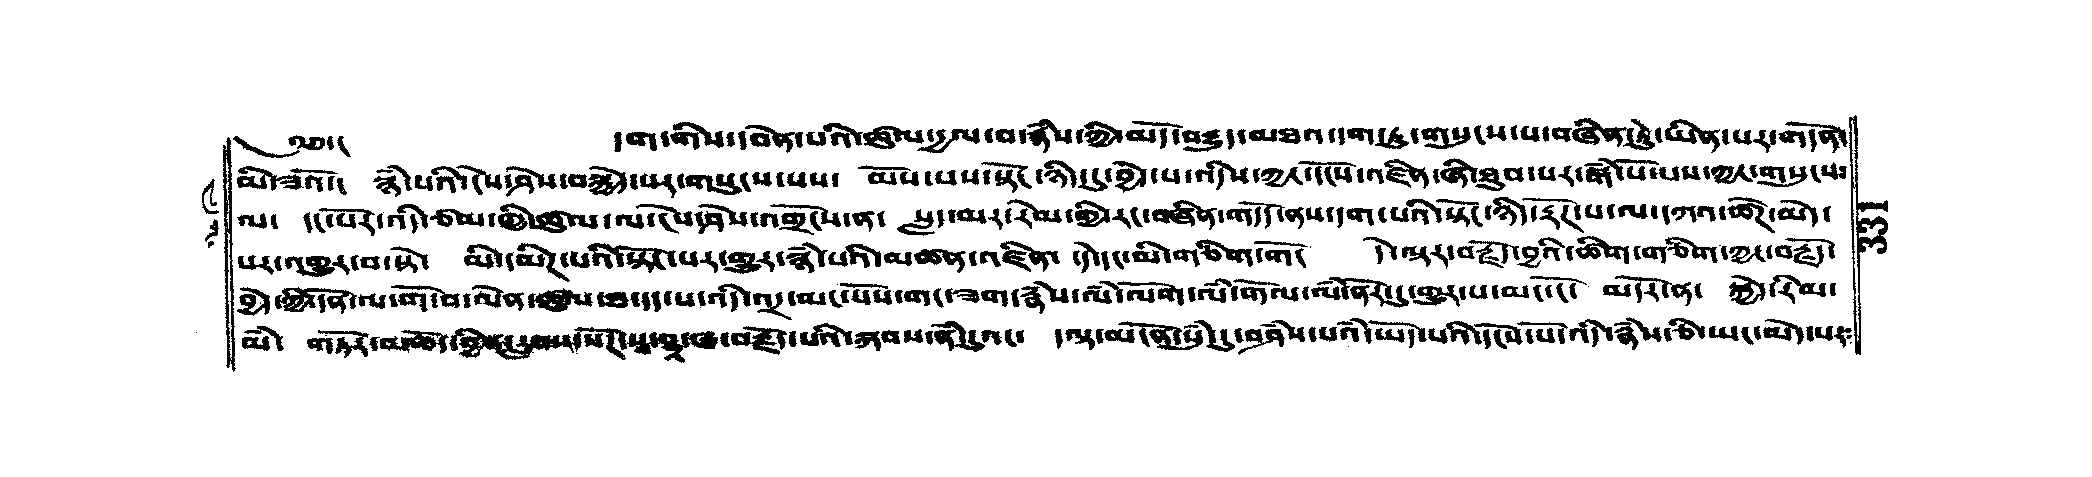དག་གིས་དབེན་པའི་ཚུལ་རྒྱལ་བ་རྣམས་ཀྱི་མདོ་རྒྱུད་མཐའ་དག་ཏུ་གསུངས་པ་བཞིན་ཏུ་ཡིན་པར་གདོན་
མི་ཟའོ་ སྙམ་པའི་ངེས་ཤེས་བསྐྱེད་པར་གསུངས་པས། མོས་པས་སྟོང་ཉིད་དུ་བྱེད་པ་འདིས་ཀྱང་དངོས་འཛིན་ཞི་ཐུབ་པར་སྒམ་པོ་པས་ཀྱང་གསུངས་
ལ། དང་པོར་འདི་ཙམ་གྱི་ཚུལ་ལ་ངེས་ཤེས་འགྲོངས་ན། སླད་མར་རིམ་གྱི་རང་བཞིན་གདོད་ནས་དག་པའི་སྟོང་ཉིད་རྟོགས་པ་ལ་དཀའ་ཚེགས་མེད་
པར་འགྱུར་བ་སྟེ། མི་དམིགས་པའི་སྟོང་པར་གྱུར་སྙམ་པའི་མཚན་འཛིན། དེ་དང་མི་གཅིག་གོ དེ་ལྟར་བརྗོད་བྱའི་ཚིག་གཅིག་ཀྱང་བརྗོད་
བྱེད་ཀྱི་དོན་ལ་གོ་བ་ལེན་ཚུལ་ཐ་དད་པ་འདི་འདྲ་མང་པོས་གང་ཟག་རྣམས་ལམ་ལོག་ལམ་གོལ་ལམ་ནོར་དུ་གྱུར་པ་མང་ངོ་། མདོར་ན། བསྐྱེད་རིམ་
མམ། གཏོར་མཆོད་བྱིན་རླབས་སོགས་སྭ་བྷཱ་ཝ་བརྗོད་པའི་སྐབས་ནམ་དུའང་། ད་ལྟ་མངོན་སུམ་དུ་བཤམས་པའམ་ཡོད་པའི་དངོས་པོ་འདི་རྣམས་ཅི་ཡང་མེད་པར་